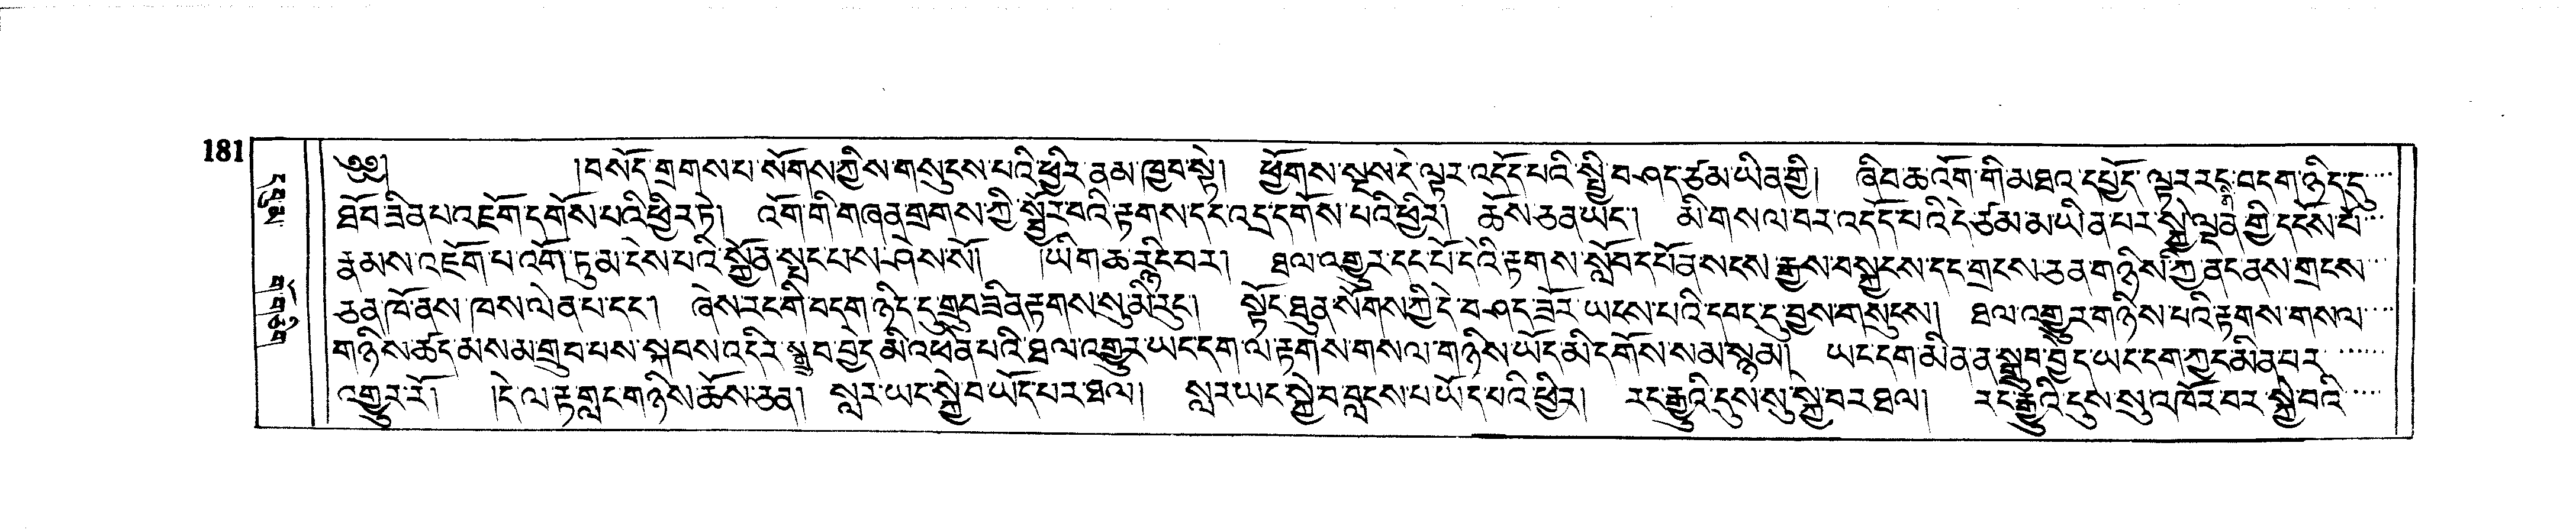༄༅། །བསོད་གྲགས་པ་སོགས་ཀྱིས་གསུངས་པའི་ཕྱིར་ནམ་ཁྱབ་སྟེ། ཕྱོགས་སྔས་དེ་ལྟར་འདོད་པའི་སྤྱི་བཤད་ཙམ་ཡིན་གྱི། ཞིབ་ཆ་འོག་གི་མཐའ་དཔྱོད་ལྟར་རང་གི་བདག་ཉིད་དུ་
ཐོབ་ཟིན་པ་འཇོག་དགོས་པའི་ཕྱིར་ཏེ། འོག་གི་གཞན་གྲགས་ཀྱི་སྦྱོར་བའི་རྟགས་དང་འདྲ་དགོས་པའི་ཕྱིར། ཆོས་ཅན་ཡང་། མི་གསལ་བར་འདོད་པའི་དེ་ཙམ་མ་ཡིན་པར་སྐྱེ་ལྡན་གྱི་དངོས་པོ་
རྣམས་འཇོག་པ་འོག་ཏུ་མ་ངེས་པའི་སྐྱོན་སྤང་པས་ཤེས་སོ། །ཡིག་ཆ་རྙིང་བར། ཐལ་འགྱུར་དང་པོ་དེའི་རྟགས་སློབ་དཔོན་སངས་རྒྱས་བསྐྱངས་དང་གྲངས་ཅན་གཉིས་ཀྱི་ནང་ནས་གྲངས་
ཅན་ཁོ་ནས་ཁས་ལེན་པ་དང་། ཞེས་རང་གི་བདག་ཉིད་དུ་གྲུབ་ཟིན་རྟགས་སུ་མི་རུང་། སྟོང་ཐུན་སོགས་ཀྱི་དེ་བཤད་ཟོར་ཡངས་པའི་དབང་དུ་བྱས་གསུངས། ཐལ་འགྱུར་གཉིས་པའི་རྟགས་གསལ་
གཉིས་ཚད་མས་མ་གྲུབ་པས་སྐབས་འདིར་སྒྲུབ་བྱེད་མི་འཕེན་པའི་ཐལ་འགྱུར་ཡང་དག་ལ་རྟགས་གསལ་གཉིས་ཡོད་མི་དགོས་སམ་སྙམ། ཡང་དག་མིན་ན་སྒྲུབ་བྱེད་ཡང་དག་ཀྱང་མིན་པར་
འགྱུར་རོ། །དེ་ལ་རྟ་གླང་གཉིས་ཆོས་ཅན། སླར་ཡང་སྐྱེ་བ་ཡོད་པར་ཐལ། སླར་ཡང་སྐྱེ་བ་བླངས་པ་ཡོད་པའི་ཕྱིར། རང་རྒྱུའི་དུས་སུ་སྐྱེ་བར་ཐལ། རང་རྒྱུའི་དུས་སུ་འཁོར་བར་སྐྱེ་བའི་